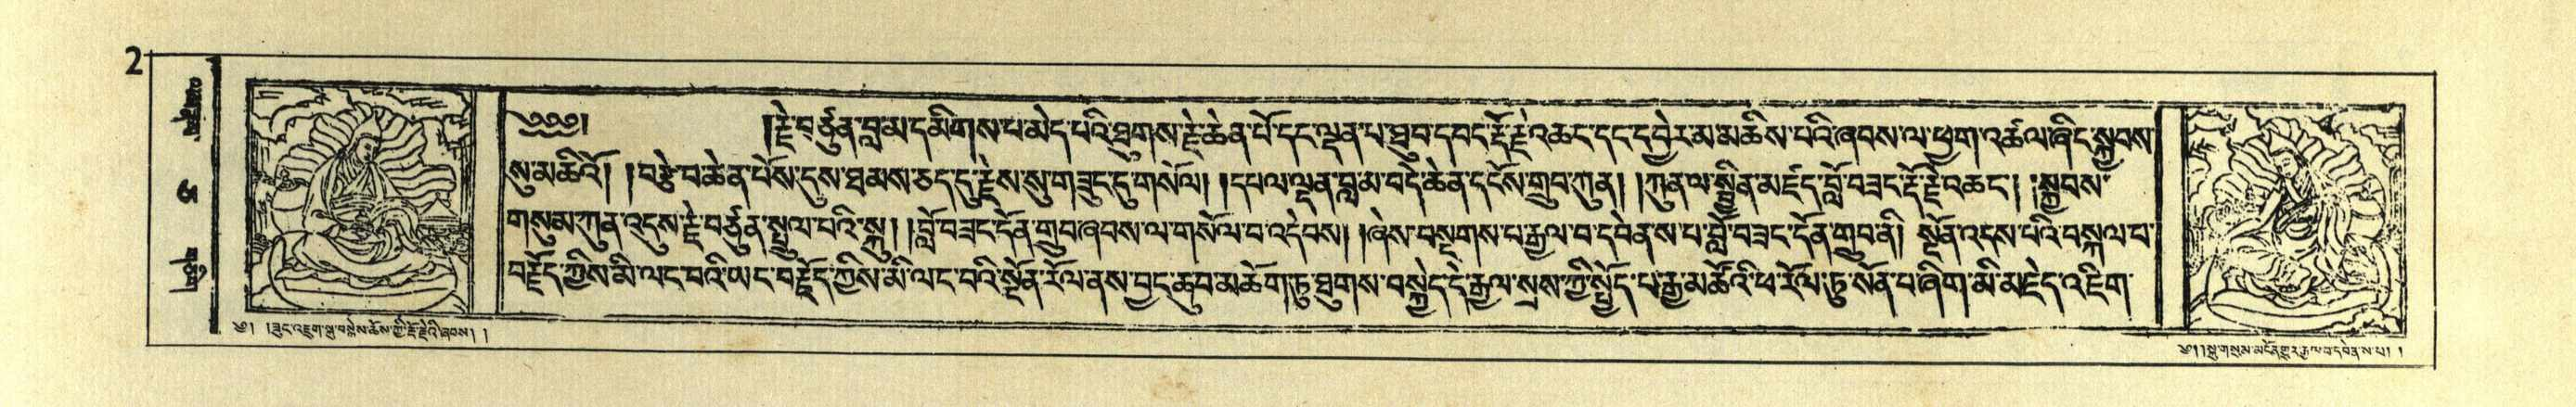༄༅༅། །རྗེ་བཙུན་བླ་མ་དམིགས་པ་མེད་པའི་ཐུགས་རྗེ་ཆེན་པོ་དང་ལྡན་པ་ཐུབ་དབང་རྡོ་རྗེ་འཆང་དང་དབྱེར་མ་མཆིས་པའི་ཞབས་ལ་ཕྱག་འཚལ་ཞིང་སྐྱབས་
སུ་མཆིའོ། །བརྩེ་བ་ཆེན་པོས་དུས་ཐམས་ཅད་དུ་རྗེས་སུ་གཟུང་དུ་གསོལ། །དཔལ་ལྡན་བླ་མ་བདེ་ཆེན་དངོས་གྲུབ་ཀུན། །ཀུན་ལ་སྦྱིན་མཛད་བློ་བཟང་རྡོ་རྗེ་འཆང་། །སྐྱབས་
གསུམ་ཀུན་འདུས་རྗེ་བཙུན་སྤྲུལ་བའི་སྐུ། །བློ་བཟང་དོན་གྲུབ་ཞབས་ལ་གསོལ་བ་འདེབས། །ཞེས་བསྔགས་པ་རྒྱལ་བ་དབེན་ས་པ་བློ་བཟང་དོན་གྲུབ་ནི། སྔོན་འདས་པའི་བསྐལ་པ་
བརྗོད་ཀྱིས་མི་ལང་བའི་ཡང་བརྗོད་ཀྱིས་མི་ལང་བའི་སྔོན་རོལ་ནས་བྱང་ཆུབ་མཆོག་ཏུ་ཐུགས་བསྐྱེད་དེ་རྒྱལ་སྲས་ཀྱི་སྤྱོད་པ་རྒྱ་མཚོའི་ཕ་རོལ་ཏུ་སོན་པ་ཞིག་མི་མཇེད་འཇིག་